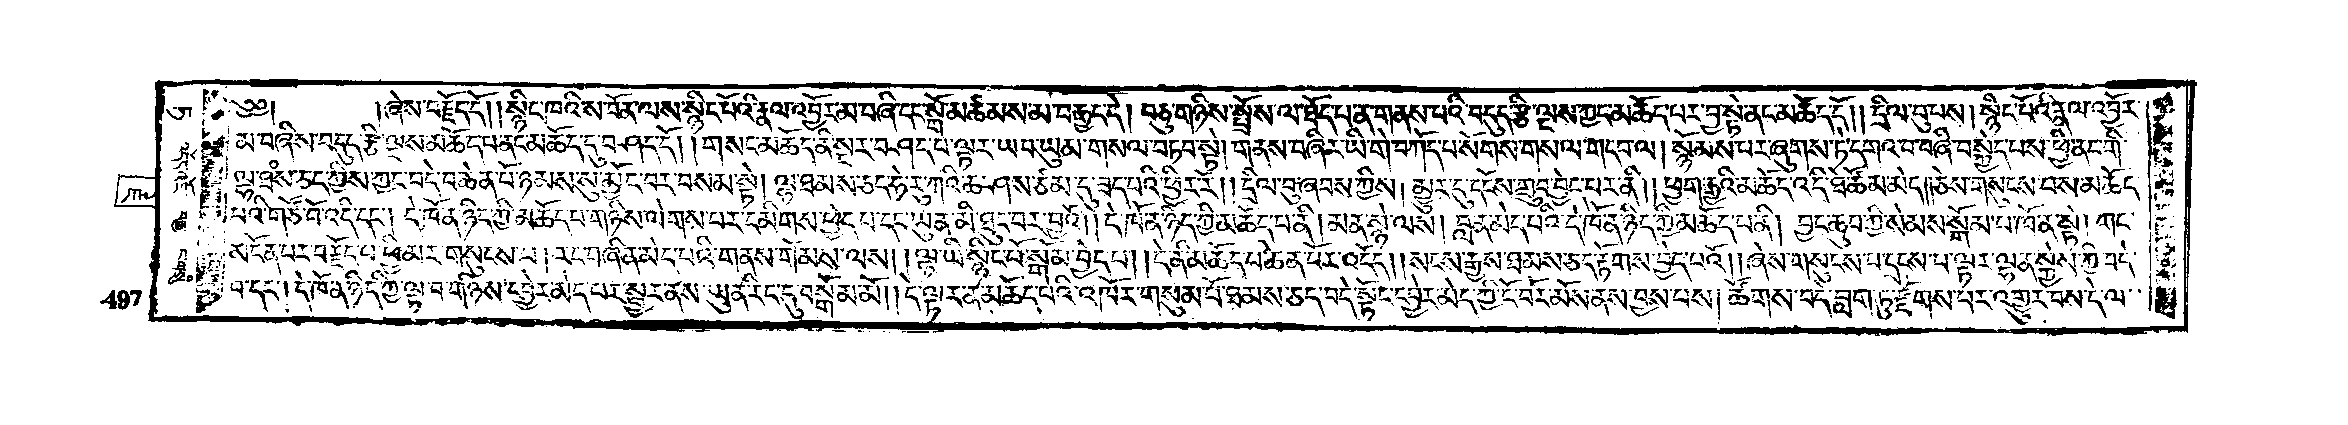༄༅། །ཞེས་བརྗོད་དོ། །སྙིང་ཁའི་ས་བོན་ལས་སྙིང་པོའི་རྣལ་འབྱོར་མ་བཞི་དང་སྒོ་མཚམས་མ་བརྒྱད་དེ། བཅུ་གཉིས་སྤྲོས་ལ་ཐོད་པ་ན་གནས་པའི་བདུད་རྩི་ལྔས་ཀྱང་མཆོད་པར་བྱ་སྟེ་ནང་མཆོད་དོ། །དྲིལ་བུ་པས། སྙིང་པོའི་རྣལ་འབྱོར་
མ་བཞིས་བདུད་རྩི་ལྔས་མཆོད་པ་ནང་མཆོད་དུ་བཤད་དོ། །གསང་མཆོད་ནི་སྔར་བཤད་པ་ལྟར་ཡབ་ཡུམ་གསལ་བཏབ་སྟེ། གནས་བཞིར་ཡི་གེ་བཀོད་པ་སོགས་གསལ་གདབ་ལ། སྙོམས་པར་ཞུགས་ཏེ་དགའ་བ་བཞི་བསྐྱེད་པས་ཕྱི་ནང་གི་
ལྷ་ཐམས་ཅད་ཀྱིས་ཀྱང་བདེ་བ་ཆེན་པོ་ཉམས་སུ་མྱོང་བར་བསམ་སྟེ། ལྷ་ཐམས་ཅད་ཧེ་རུ་ཀའི་ཆ་ཤས་ཙམ་དུ་ཟད་པའི་ཕྱིར་རོ། །དྲིལ་བུ་ཞབས་ཀྱིས། མྱུར་དུ་དངོས་གྲུབ་བྱེད་པར་ནི། །ཕྱག་རྒྱའི་མཆོད་འདི་ཐེ་ཚོམ་མེད། །ཅེས་གསུངས་པས་མཆོད་
པའི་གཙོ་བོ་འདི་དང་། དེ་ཁོ་ན་ཉིད་ཀྱི་མཆོད་པ་གཉིས་ལེགས་པར་དམིགས་ཕྱེད་པ་དང་ཡུན་མི་ཐུང་བར་བྱའོ། །དེ་ཁོ་ན་ཉིད་ཀྱི་མཆོད་པ་ནི། མན་སྙེ་ལས། བླ་ན་མེད་པའི་དེ་ཁོ་ན་ཉིད་ཀྱི་མཆོད་པ་ནི། བྱང་ཆུབ་ཀྱི་སེམས་སྒོམ་པ་ཁོ་ན་སྟེ། གང་
མངོན་པར་བརྗོད་པ་ཕྱི་མར་གསུངས་པ། རང་བཞིན་མེད་པའི་གནས་གོམས་ལས། །ལྷ་ཡི་སྙིང་པོ་སྒོམ་བྱེད་པ། །དེ་ནི་མཆོད་པ་ཆེན་པོར་འདོད། །སངས་རྒྱས་ཐམས་ཅད་རྟོགས་བྱེད་པའོ། །ཞེས་གསུངས་པ་དྲངས་པ་ལྟར་ལྷན་སྐྱེས་ཀྱི་བདེ་
བ་དང་། དེ་ཁོ་ན་ཉིད་ཀྱི་ལྟ་བ་གཉིས་དབྱེར་མེད་པར་སྦྱར་ནས་ཡུན་རིང་དུ་བསྒོམ་མོ། །དེ་ལྟར་ན་མཆོད་པའི་འཁོར་གསུམ་པོ་ཐམས་ཅད་བདེ་སྟོང་དབྱེར་མེད་ཀྱི་ངོ་བོར་མོས་ནས་བྱས་པས། ཚོགས་བདེ་བླག་ཏུ་རྫོགས་པར་འགྱུར་བས་དེ་ལ་